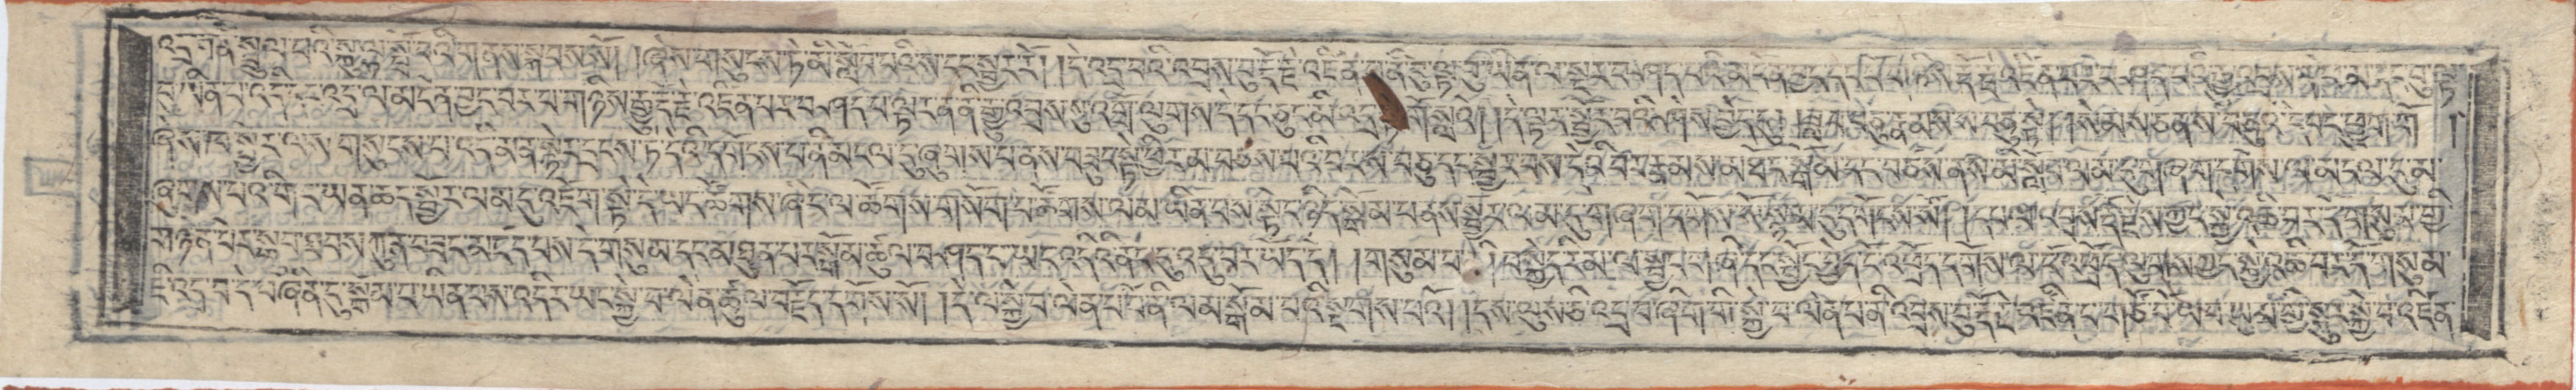འདྲ་ནི་སྤྲུལ་པའི་སྐུ་ལྷ་སྦྲོ་བའི་གནས་སྐབས་སོ། །ཞེས་གསུངས་ཏེ་མི་སློབ་པའི་ས་དང་སྦྱར་རོ། །དེ་འདྲ་བའི་འབྲས་བུ་རྡོ་རྗེ་འཛིན་པ་ནི་བུ་ལྟ་བུ་ཡིན་ལ་སྔར་བཤད་པའི་མངོན་བྱང་དང་པོ་གཉིས་རྡོ་རྗེ་འཛིན་པར་བཤད་པའི་རྒྱུ་འབྲས་ནི་ཕ་མ་དང་བུ་ལྟ་
བུ་ཡིན་པ་འདི་དང་འདྲ་ལ་མངོན་བྱང་བར་པ་གཉིས་རྒྱུ་རྡོ་རྗེ་འཛིན་པར་བཤད་པ་ལྟར་ན་ནི་རྒྱུ་འབྲས་བུ་འགྲོ་ལུགས་དེ་དང་ཅུང་མི་འདྲ་སྟེ་གོ་སླའོ། །དེ་ལྟར་སྦྱོར་བའི་ཤེས་བྱེད་དུ། །ཟླབ་བཅུ་རྣམས་ས་བཅུ་སྟེ། །སེམས་ཅན་ས་བཅུའི་དབང་ཕྱུག་གོ །
ཞེས་ཁ་སྦྱོར་ལས་གསུངས་པ་འདི་མན་སྙེར་དྲངས་ཏེ་དེའི་དགོངས་པ་ནི་མང་ལ་དུ་ཞུགས་པ་ནས་བཟུང་སྟེ་ཕྱིར་མ་བཙས་པའི་བར་ས་བཅུ་དང་སྦྱར་བས་དེའི་བར་རྣམས་མཐོང་སྒོམ་དང་བཙས་ནས་མི་སློབ་ལམ་དུ་གཞག་དགོས་ལ་མངལ་དུ་མ་
ཞུགས་པའི་གང་ཡན་ཅད་སྦྱོར་ལམ་དུ་འཇོག་སྟེ་དེ་ཡང་ཚོགས་ཞིང་ལ་ཚོགས་གསོག་པ་ཚོགས་ལམ་ཡིན་པས་སྟེང་ཉིད་སྒོམ་པ་ནས་སྦྱོར་ལམ་དུ་གཞག་དགོས་སོ་སྙམ་དུ་དགོངས་སོ། །དཔལ་འབྲས་རྡོ་རྗེས་ཀྱང་སྐྱེ་འཆི་བར་དོ་གསུམ་གྱི་
གཉེན་པོར་བསྒྲུབ་ཐབས་ཀུན་བཟང་མཛད་པས་དེ་གསུམ་དང་མཐུན་པར་སྒོམ་ཚུལ་བཤད་པ་ཡང་འདིའི་ནང་དུ་འདུ་བར་ཡོད་དོ། །གསུམ་པ་ནི། བསྐྱེད་རིམ་ལ་སྦྱར་གཞི་དང་སྤྱོད་བྱེད་དོ་འཕྲོད་དགོས་ལ་ངོ་འཕྲོད་ལུགས་ཀྱང་སྐྱེ་འཆི་བར་དོ་གསུམ་
ཇི་འདྲ་བ་དེ་བཞིན་དུ་སྒོམ་པ་ཡིན་པས་འདིར་ཡང་སྐྱེ་བ་ལེན་ཚུལ་བརྗོད་དགོས་སོ། །དེ་ལ་སྐྱེ་བ་ལེན་པ་བོ་ནི་ལམ་སྒོམ་པའི་སྔགས་པའོ། །དེས་ལུས་ཅི་འདྲ་བ་ཞིག་གི་སྐྱེ་བ་ལེན་པ་ནི་འབྲས་བུ་རྡོ་རྗེ་འཛིན་པ་གཙོ་བོ་ཡབ་ཡུམ་གྱི་སྐུར་སྐྱེ་བ་འཛིན་